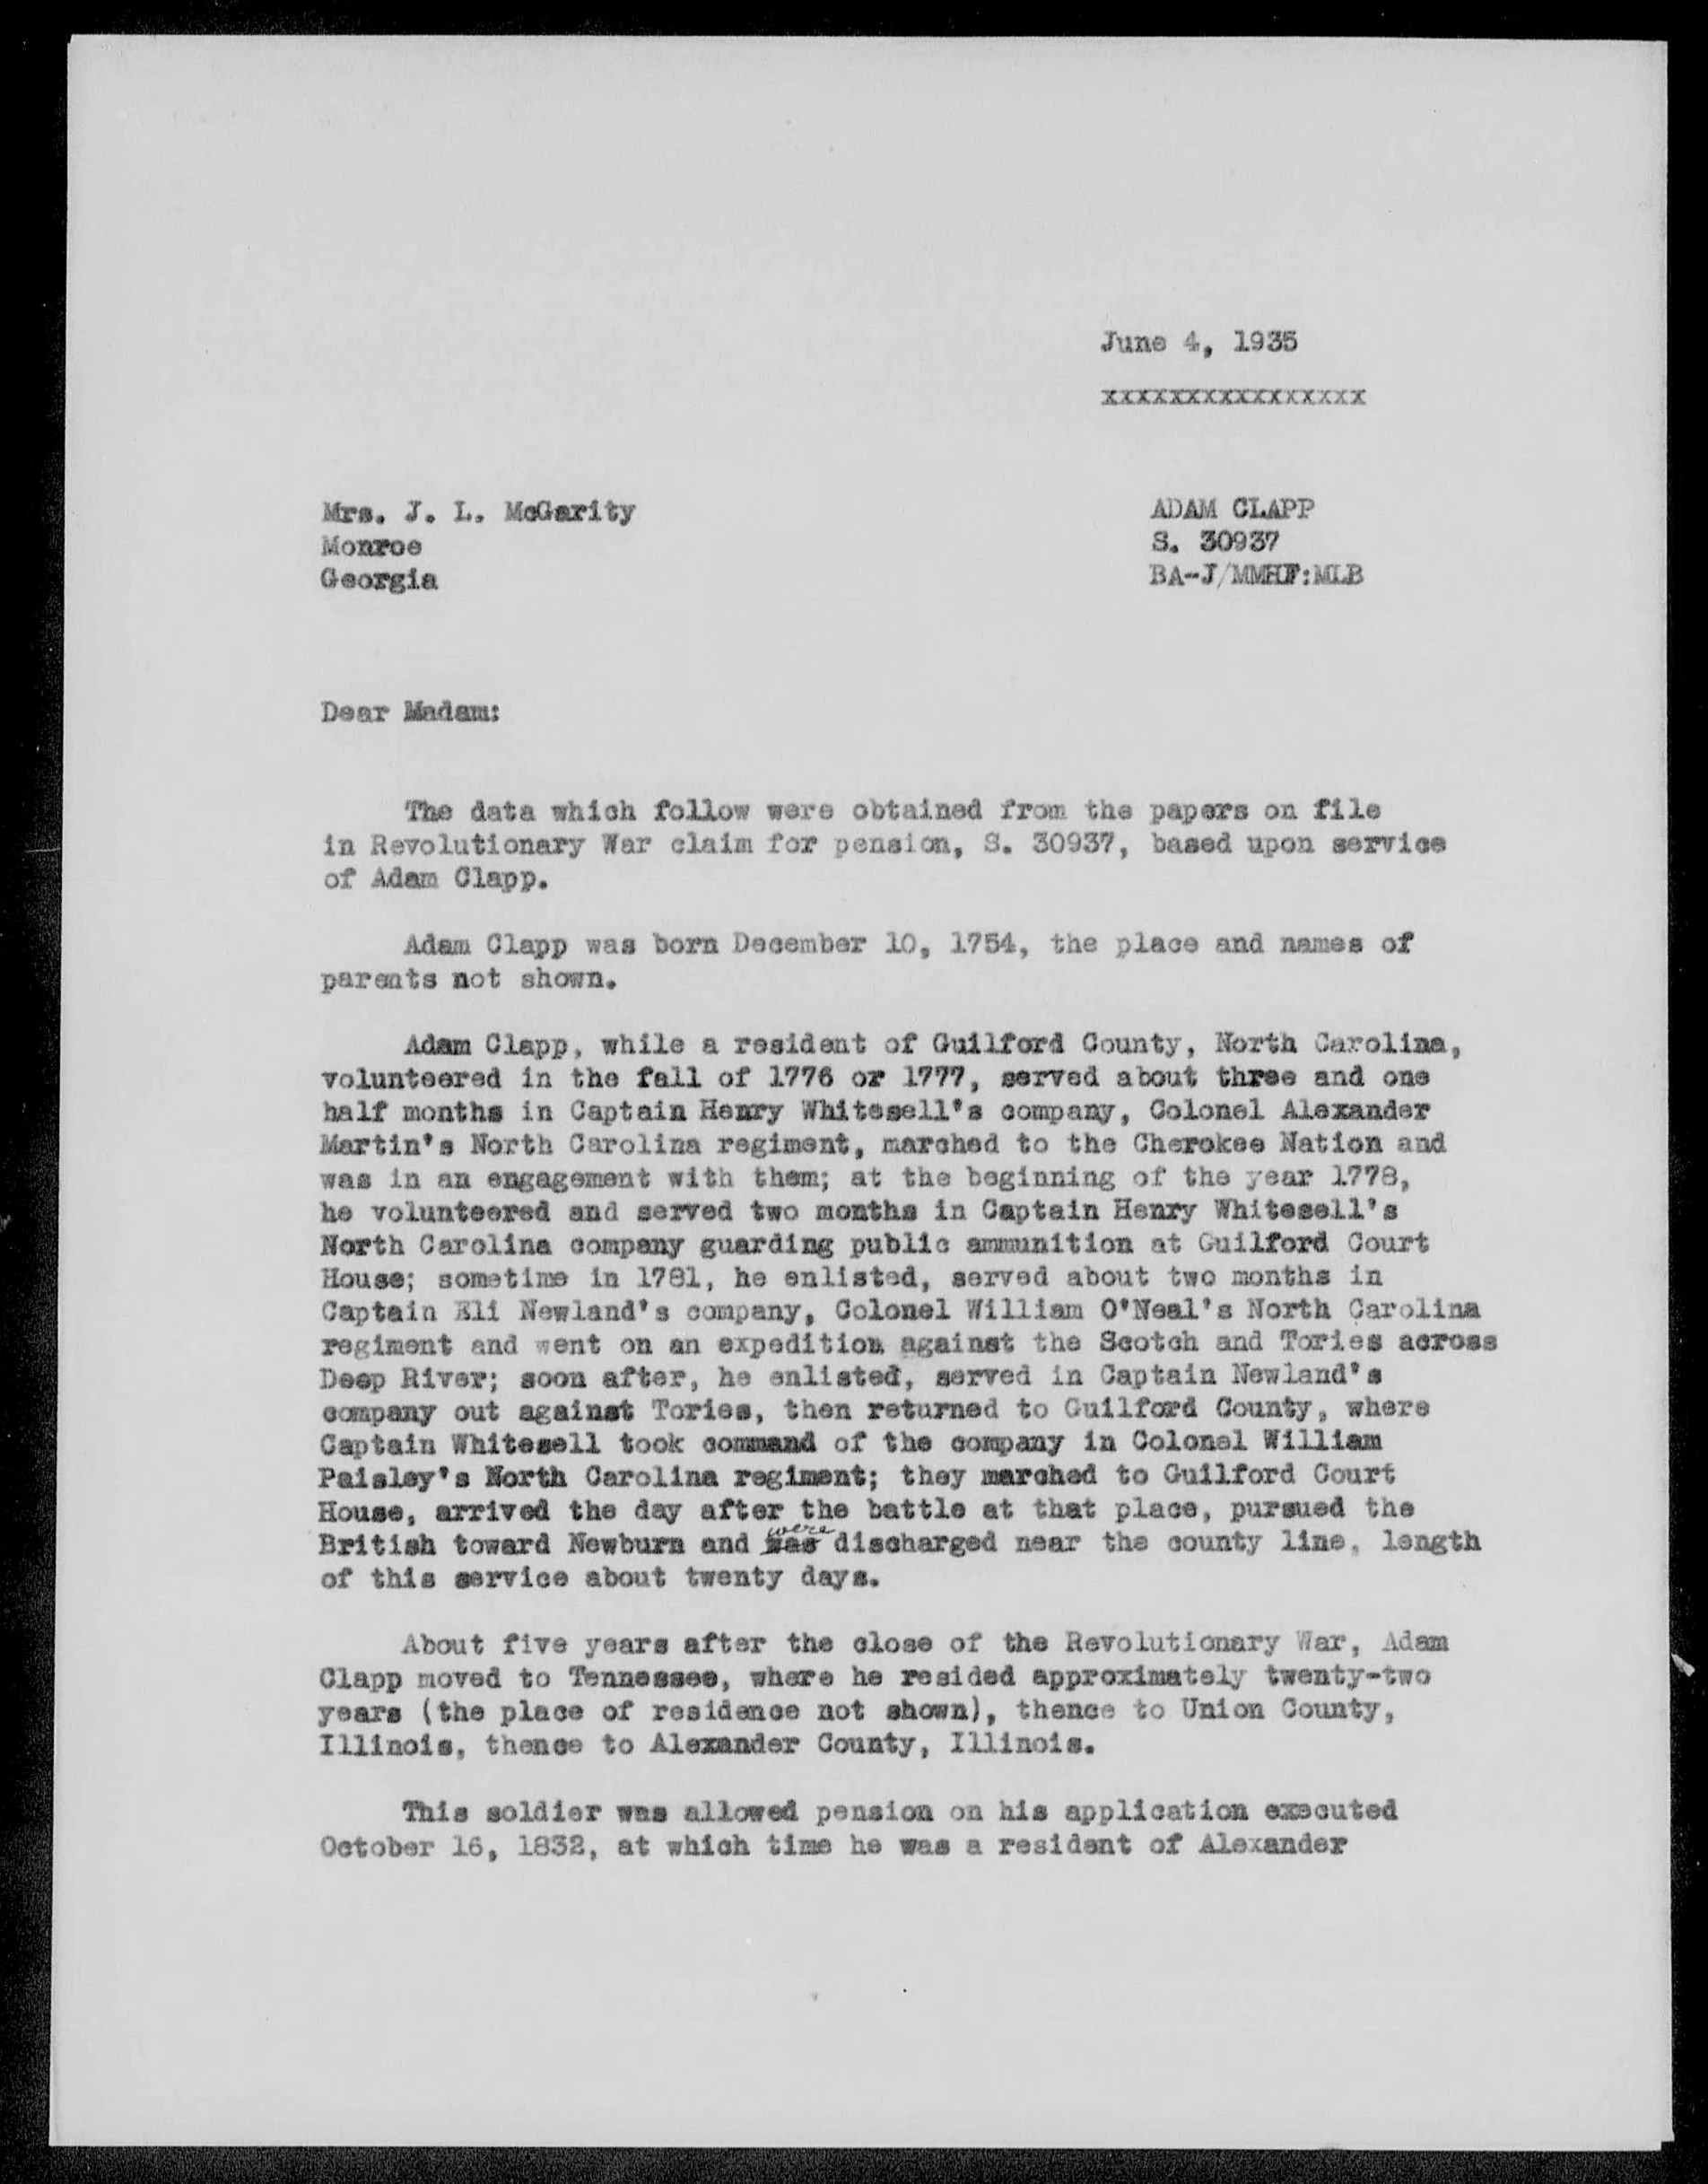June 4, 1935
xxxxxxxxxxxxxx
ADAM CLAPP
S. 30937
BA-J/MMHF: MLB

Mrs. J. L. McGarity
Monroe
Georgia

Dear Madam:

The data which follow were obtained from the papers on file
in Revolutionary War claim for pension, S. 30937, based upon service
of Adam Clapp.

Adam Clapp was born December 10, 1754; the place and names of
parents not shown.

Adam Clapp, while a resident of Guilford County, North Carolina,
volunteered in the fall of 1776 or 1777, served about three and one
half months in Captain Henry Whitesell's company, Colonel Alexander
Martin's North Carolina regiment, marched to the Cherokee Nation and
was in an engagement with them; at the beginning of the year 1778,
he volunteered and served two months in Captain Henry Whitesell's
North Carolina company guarding public ammunition at Guilford Court
House; sometime in 1781, he enlisted, served about two months in
Captain Eli Newland's company, Colonel William O'Neal's North Carolina
regiment and went on an expedition against the Scotch and Tories across
Deep River; soon after, he enlisted, served in Captain Newland's
company out against Tories, then returned to Guilford County, where
Captain Whitesell took command of the company in Colonel William
Paisley's North Carolina regiment; they marched to Guilford Court
House, arrived the day after the battle at that place, pursued the
British toward Newburn and were discharged near the county line, length
of this service about twenty days.

About five years after the close of the Revolutionary War, Adam
Clapp moved to Tennessee, where he resided approximately twenty-two
years (the place of residence not shown), thence to Union County,
Illinois, thence to Alexander County, Illinois.

This soldier was allowed pension on his application executed
October 16, 1832, at which time he was a resident of Alexander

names: Adam Clapp, Adam Clapp, Adam Clapp, J L Mc Garity, Whitesell, Adam Clapp, Adam Clapp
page: 11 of 23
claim: survivor's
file: S. 30,937, Adam Clapp, N.C.